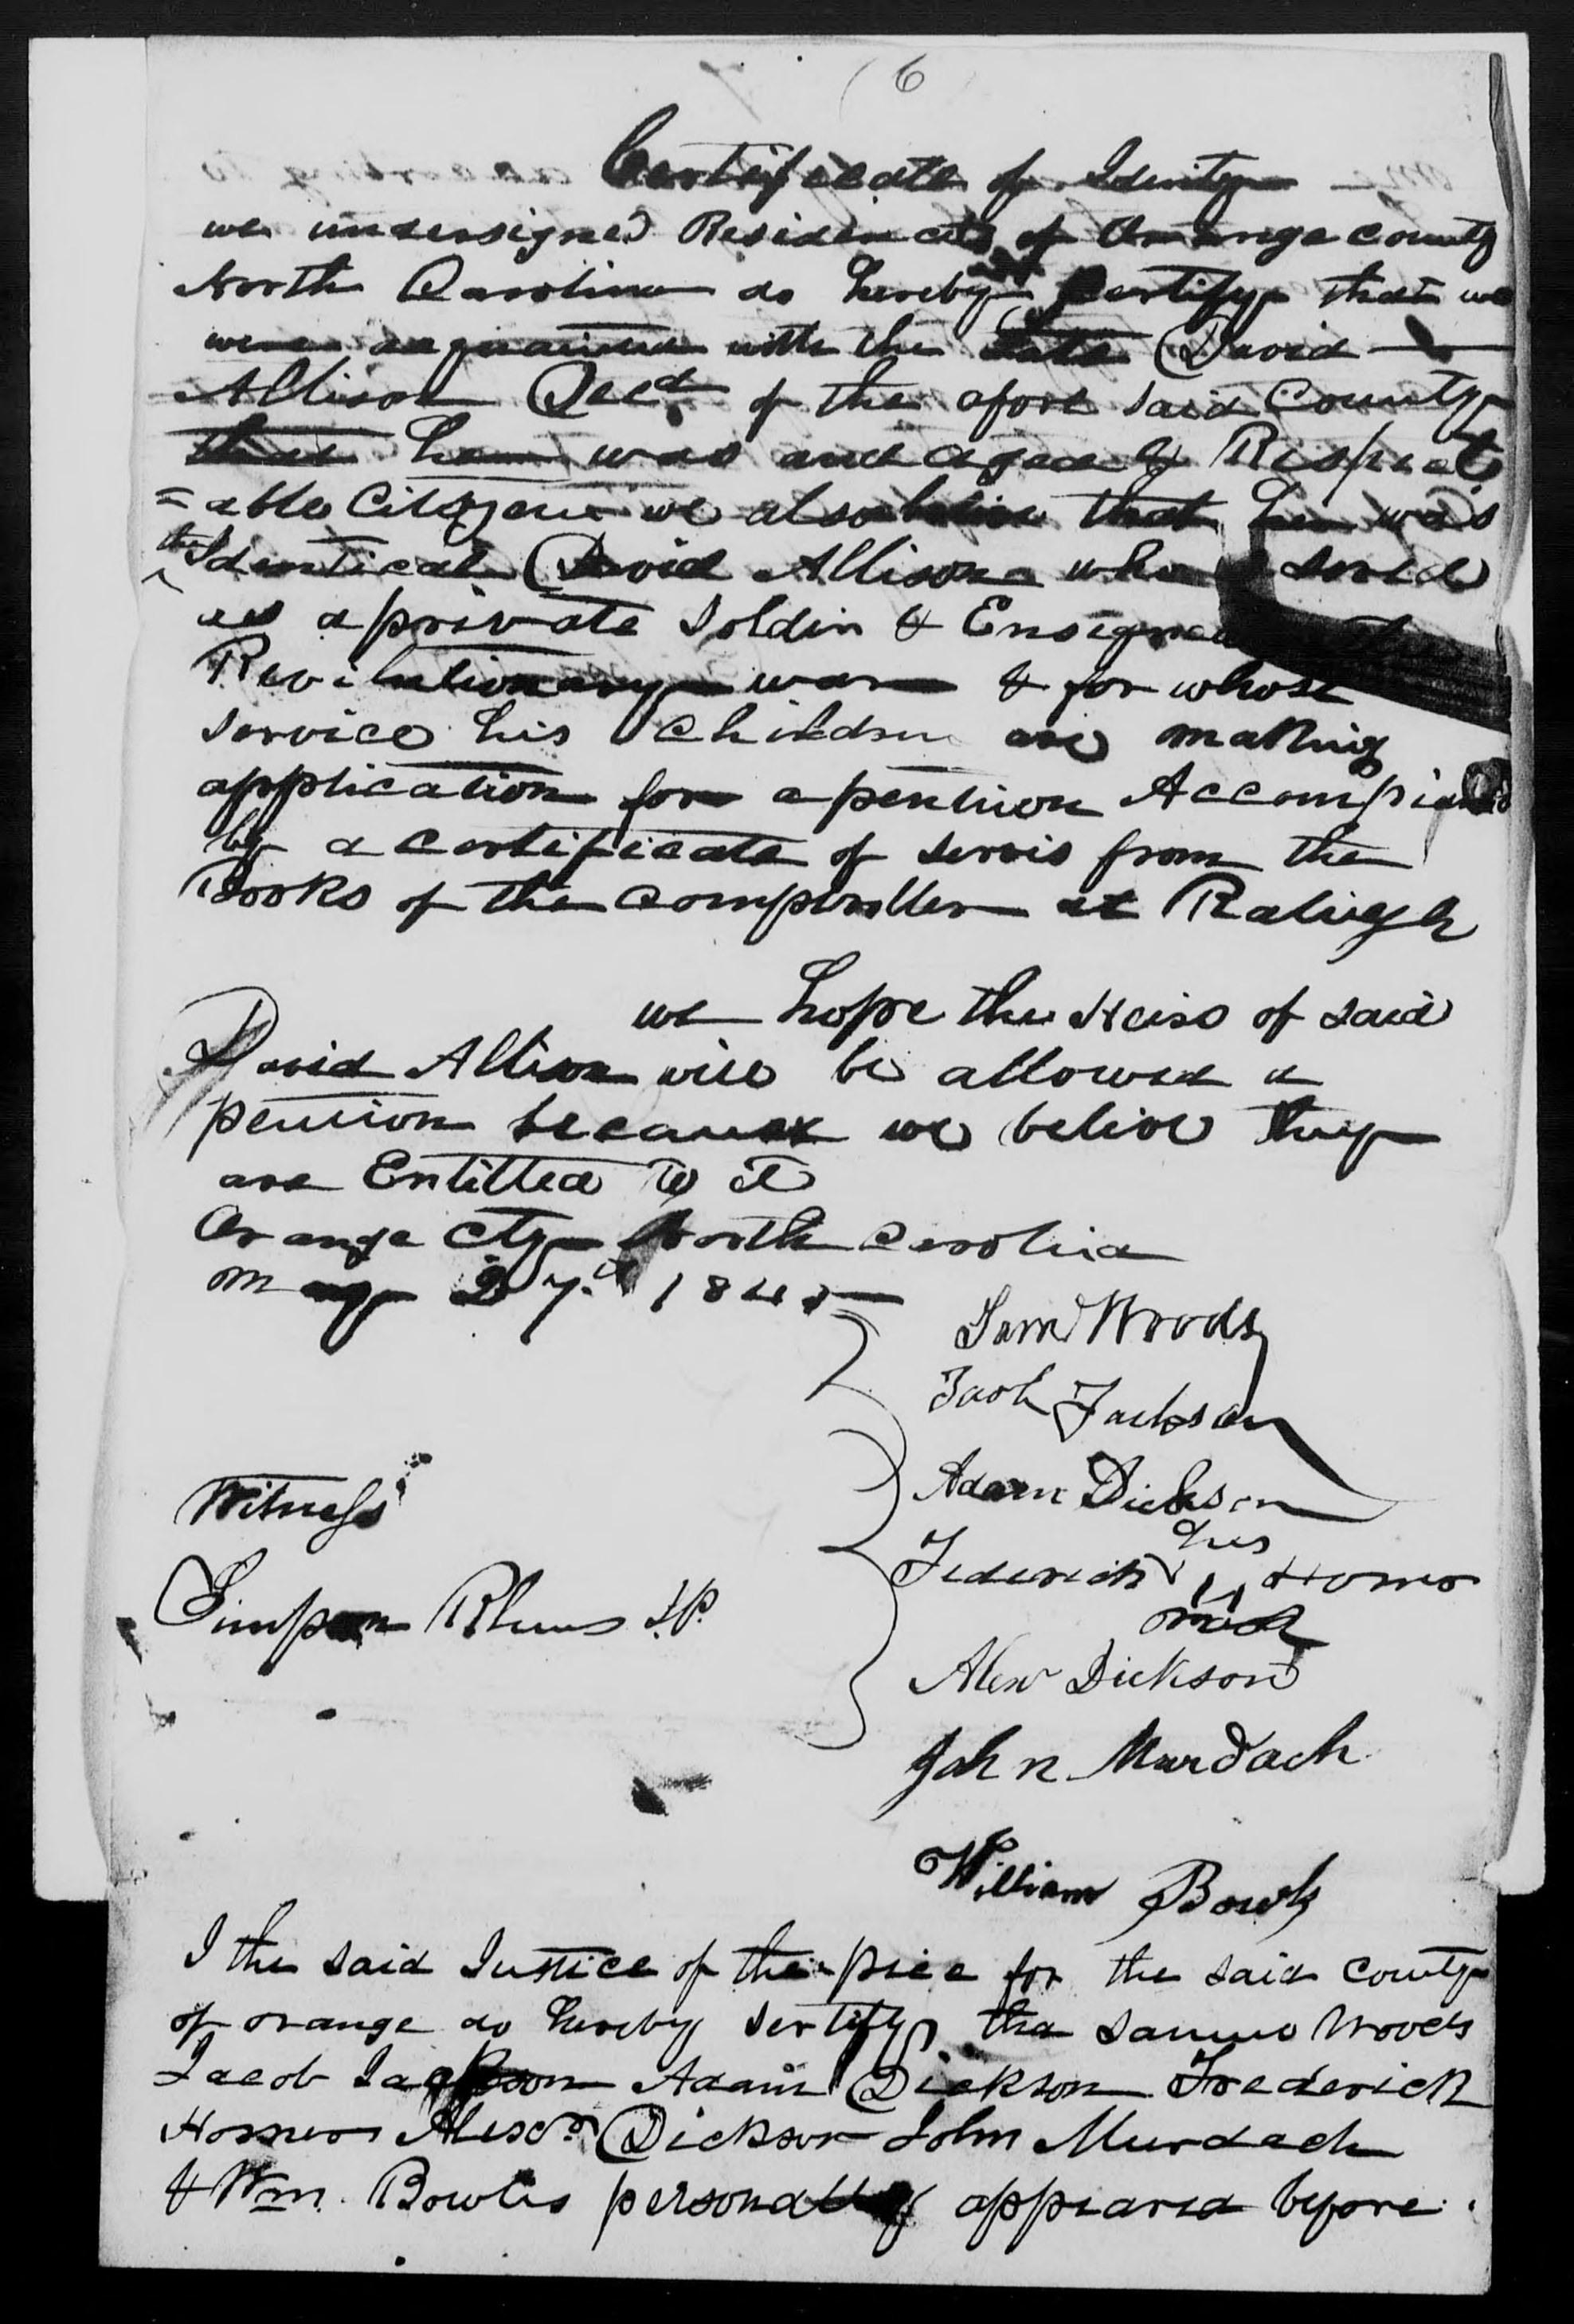Certificate of Identity

We, undersigned residents of Orange County North Carolina do hereby certify that we were acquainted with the said David Allison, [illegible], of the aforesaid county, that he was and a good and respectable citizen , we also believe that he was the identical David Allison who served as a private soldier and ensign [illegible] revolutionary war and for whose services his children are making application for a pension accompanied by a certificate of services from the Books of the  Comptroller at Raleigh.
We hope the [illegible] of said David Allison will be allowed a pension because we believe they are entitled to it.
Orange County, North Carolina on Aug 27 1845.
Sam Woods, Jacob Jackson, Adam Dickson, Federich (his mark) Horns, Alexr Dickson, John Murdach, William Bowls
Witness:  Simpson Rhews JP

I, the said Justice of the Piec for the said county of Orange do hereby sertify that Samuel Woods, Jacob Jackson, Adam Dickson, Frederich Horns, Alexdr Dick, John Murdach and Wm Bowlis personally appeared before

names: Jaob Jackson, Adam Dickson, Federich Horns, John Murdach, Adam Dickson, Samul Woods, Alexr Dickson, Simpson Rhew, Alison Dickson, Frederick Hosner, David Allison, William Bowls, John Murdach, Jacob Jackson, Wm Bowlis, Sam Woods, David Allison, David Allison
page: 21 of 33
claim: rejected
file: R. 155, David Allison, N.C.